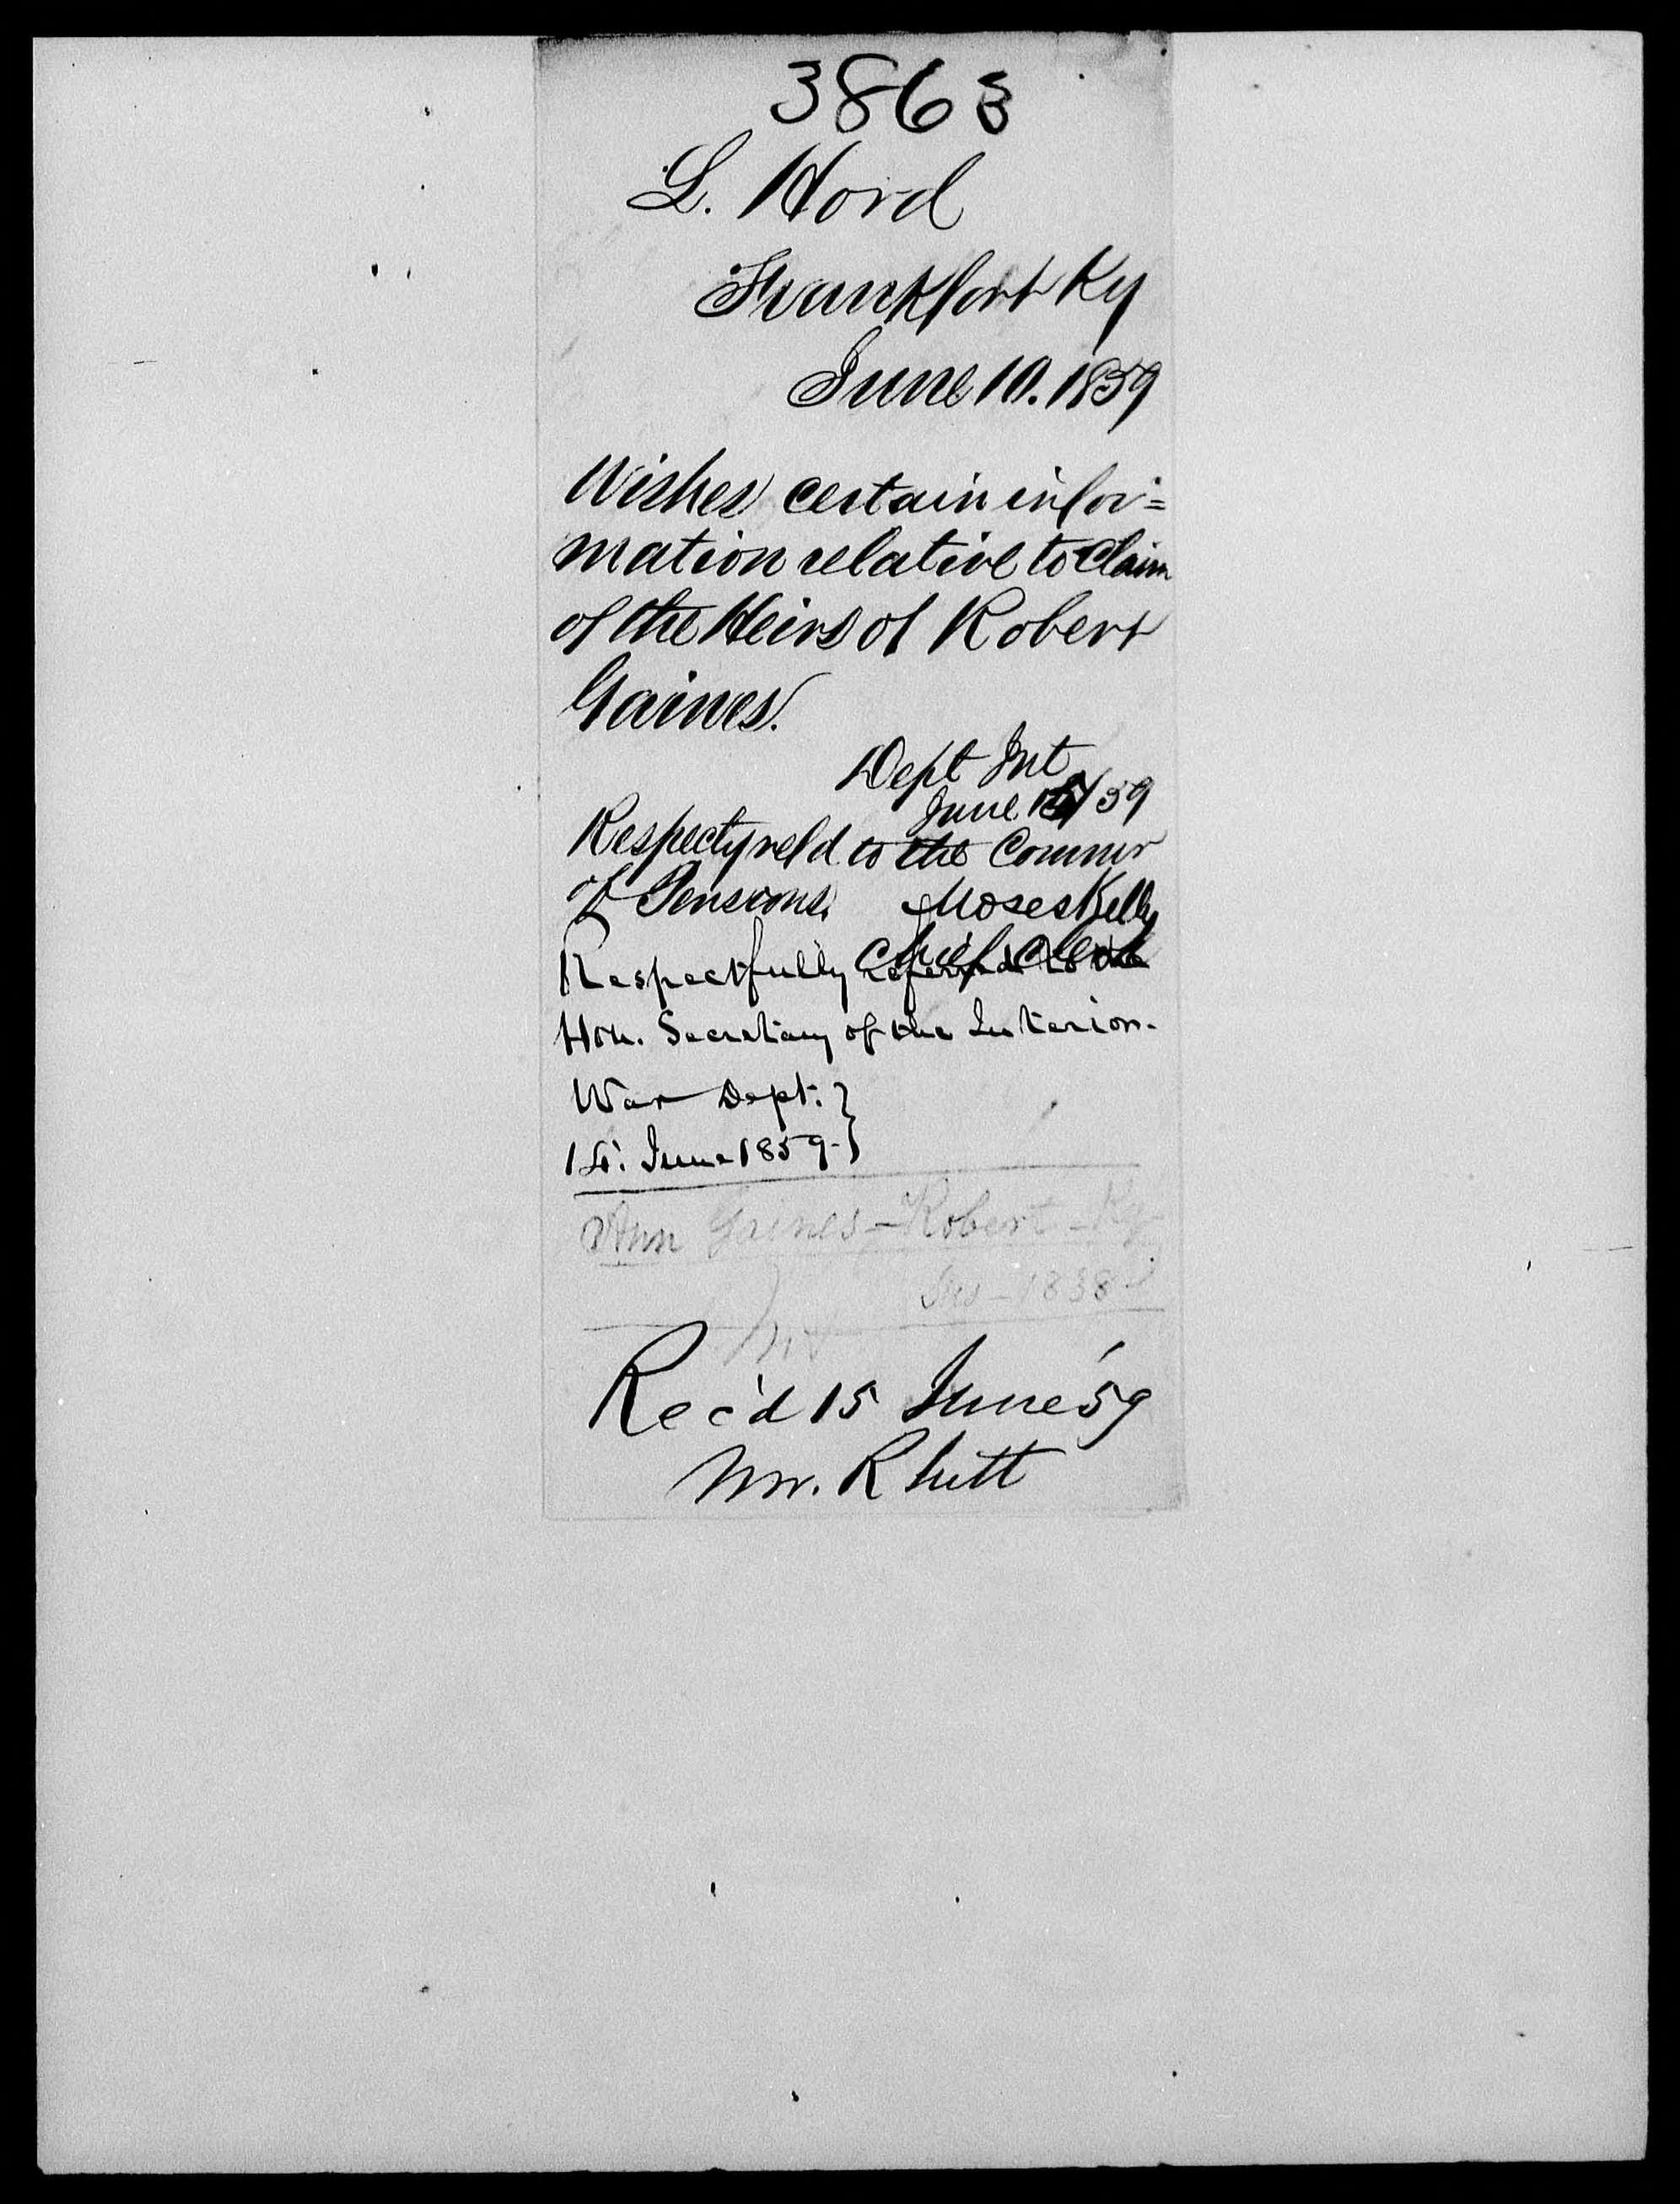3863
L. Lord
Frankfort Ky
June 10. 1839
wishes certain information 
relative to claim
of the Heirs of Robert
Gaines.
Dept Int
June 15/39
Respecty refd to the Commr
of Pensions, 
Moses Kelly
Chief Clerk
Respectfully referred to the
Hon. Secretary of the Interior
War Dept:
14 June 1859-
__________
Ann Gaines - Robert - Ky
[illegible] 1838
Rec'd 15 June '59
Wm. Rhett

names: Robert, L Hord, Ann Gaines, Rhett, Robert Gaines, Moses Kelly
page: 75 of 79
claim: rejected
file: R. 3863, Robert Gaines, Va.